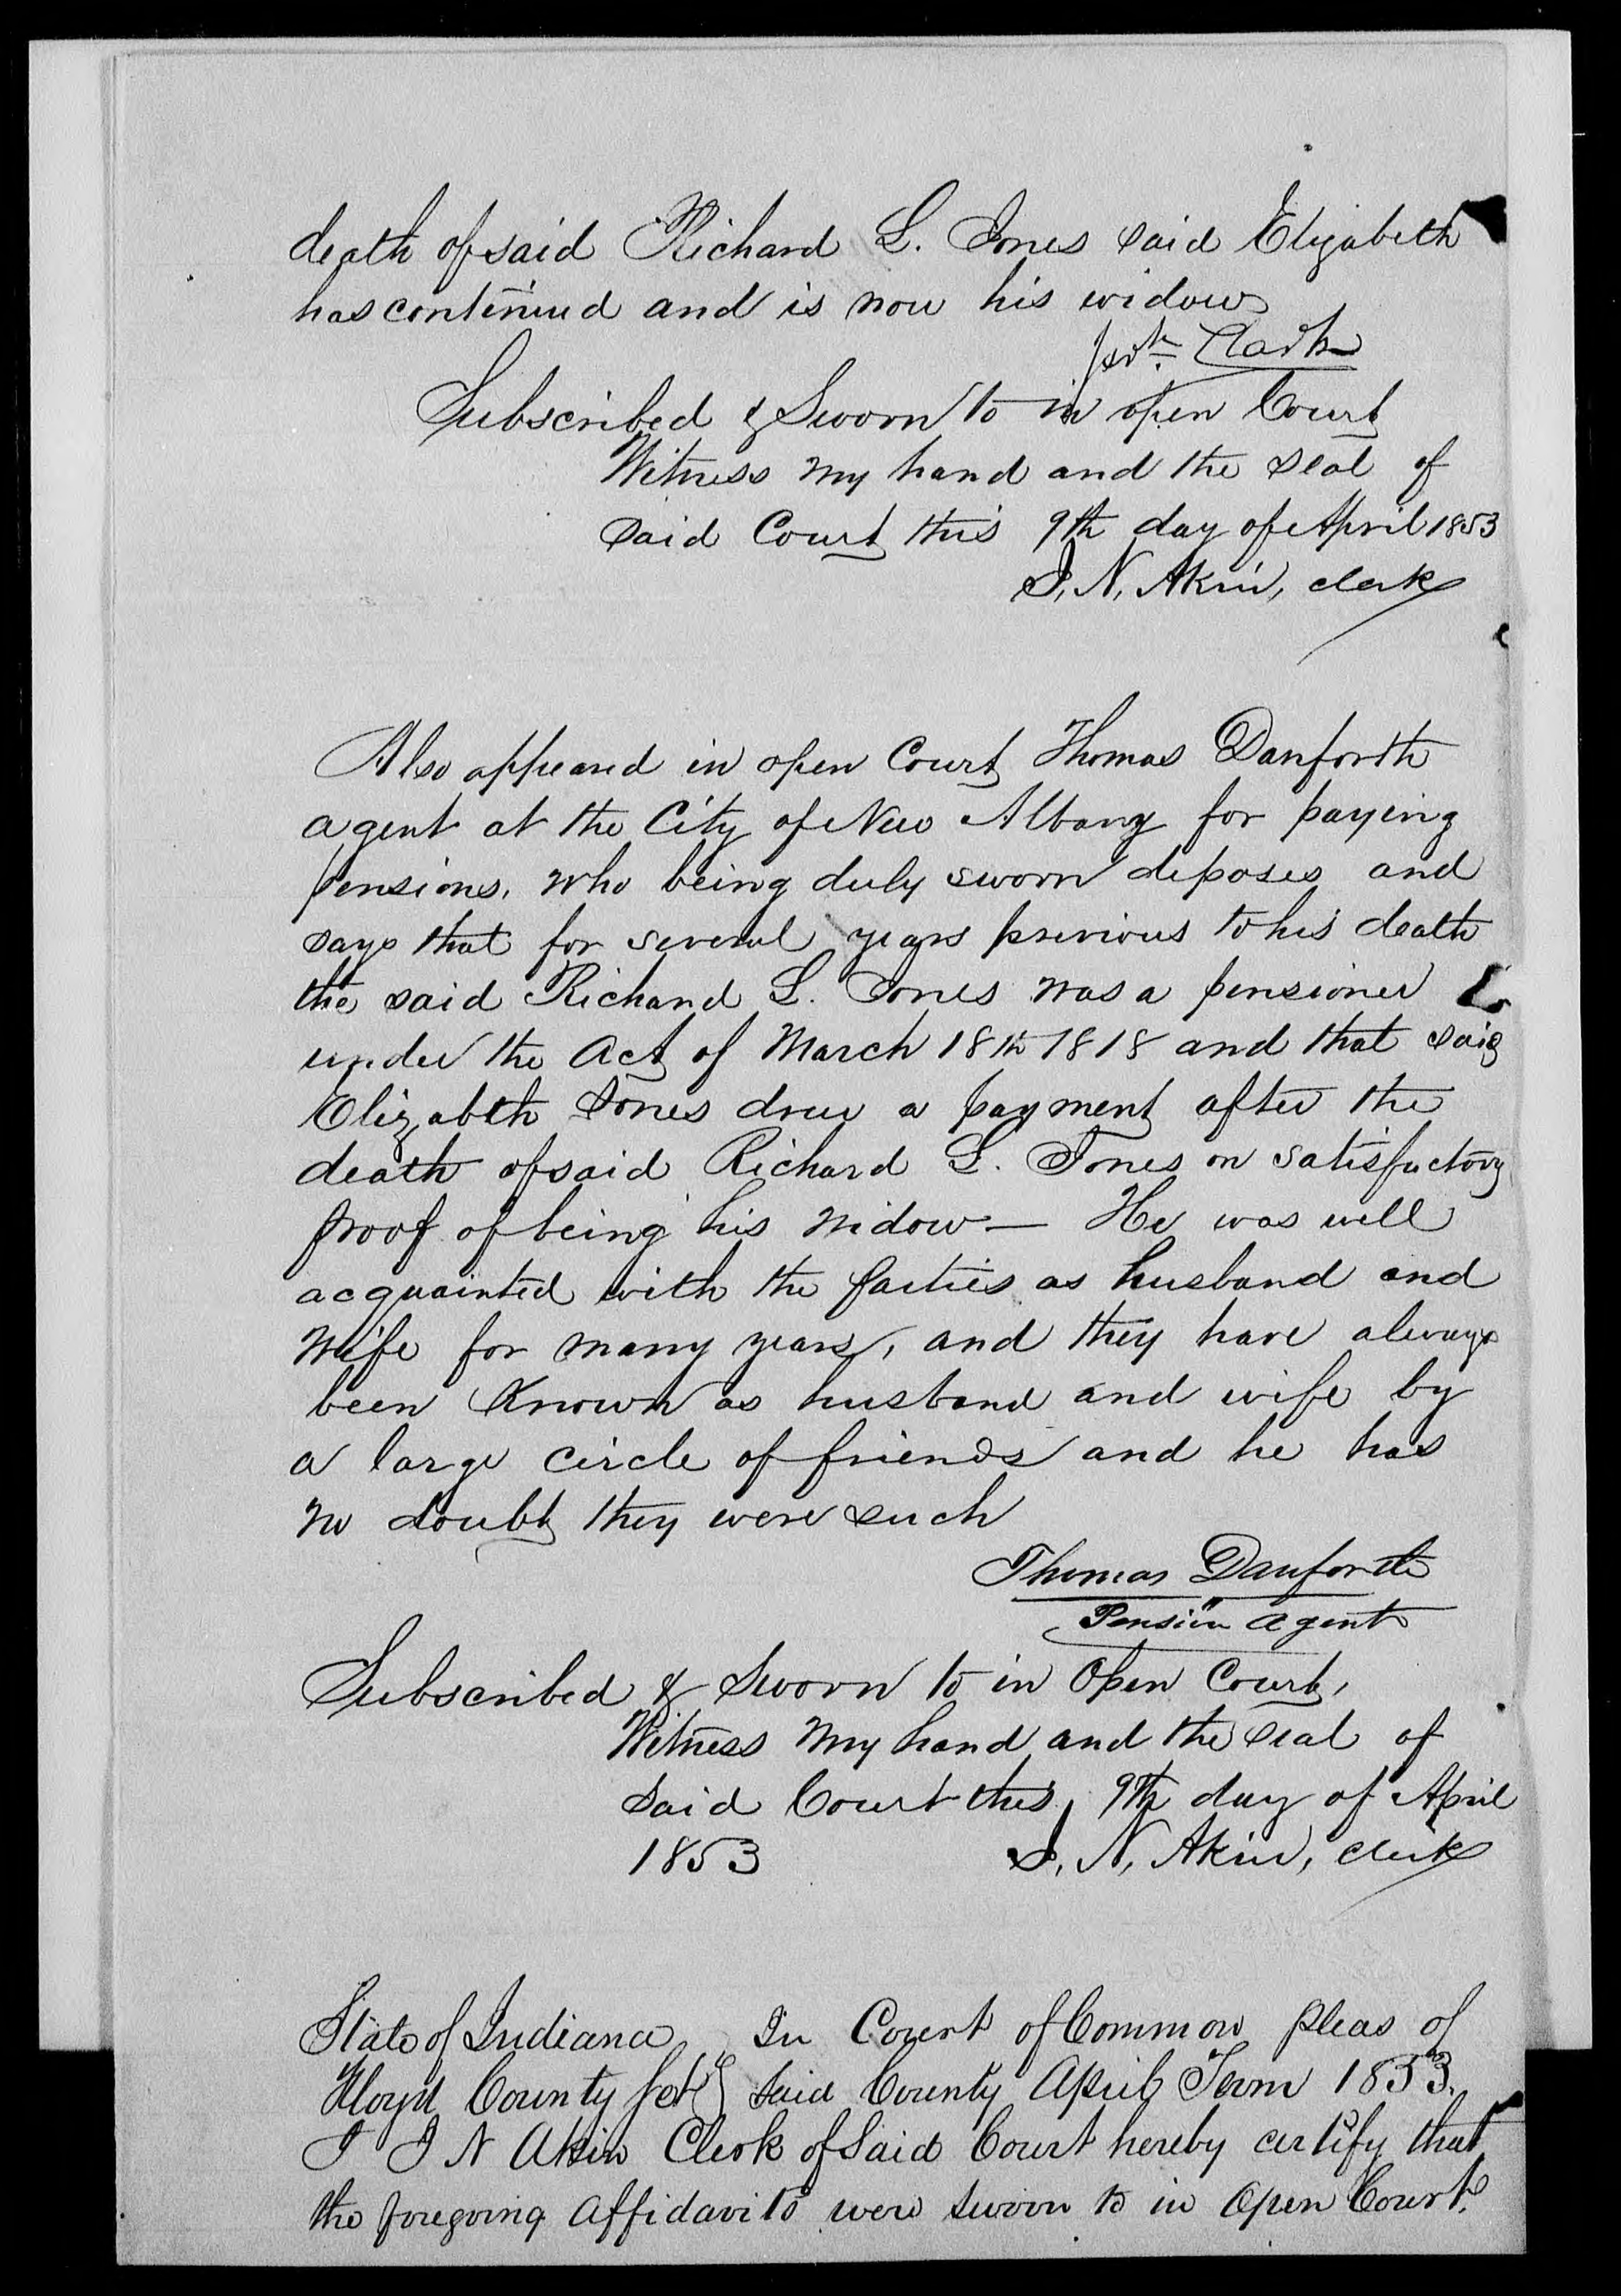death of said Richard L. Jones said Elizabeth
has continued and is now his widow
Jerh [Jeremiah] Clark
Subscribed & Sworn to in open Court
Witness my hand and the seal
of said Court this 9th day of April 1853
J.N. Akin, Clerk
Also appeared in open Court Thomas
Danforth agent at the City of New Albany for paying pensions, who being duly sworn deposes and says that for several years previous to his death the said Richard L.
Jones was a pensioner under the act of March 18th 1818 and that said Elizabeth Jones drew a payment after the death of said Richard L. Jones on satisfactory proof of being his widow. He was well acquainted with the parties as husband and wife for many years, and they have always been known as husband and wife by a large circle of friends and he has no doubt they were such
Thomas Danforth
Pension Agent
Subscribed & Sworn to in Open Court,
Witness my hand, and the seal of
said Court this 9th day of April
1853
J.N. Akin, Clerk
State of Indiana In Court of Common Pleas of
Floyd County of Said County April Term 1853
I J N Akin Clerk of said Court hereby certify that the foregoing affidavits were sworn to in Open Court,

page: 11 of 62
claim: widow's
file: W. 765, for Richard L Jones, Connecticut